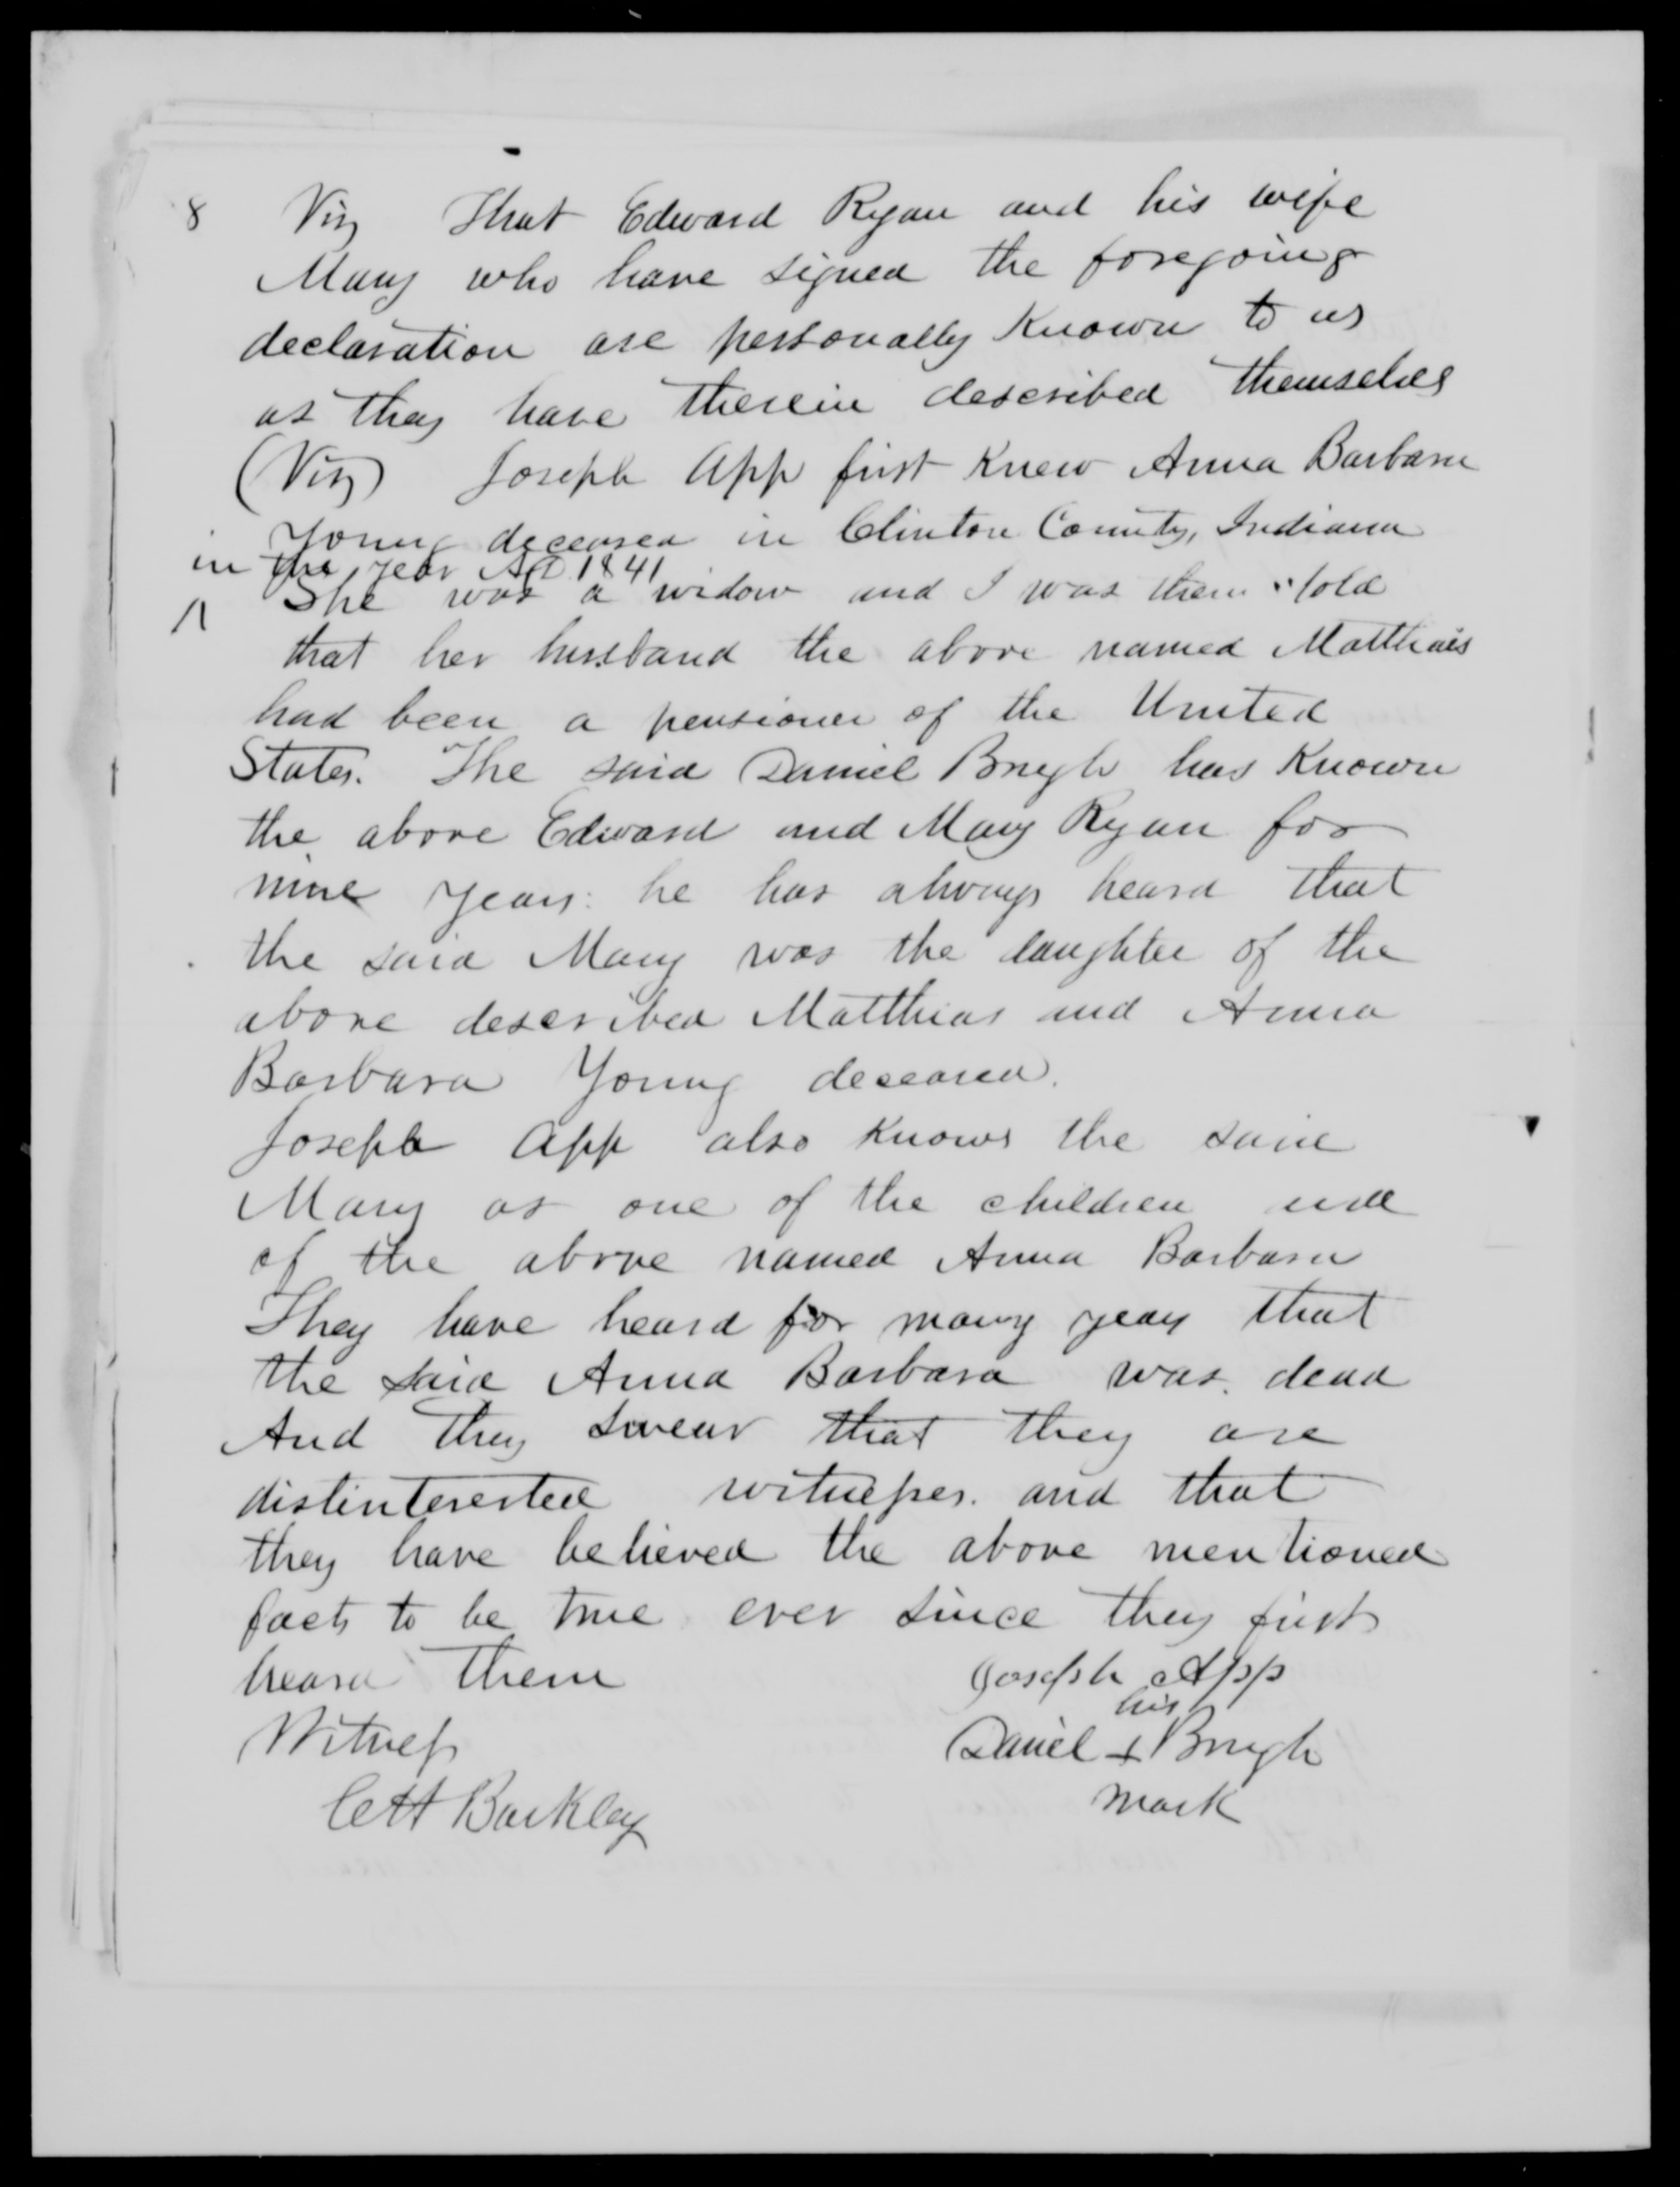8
Viz That Edward Ryan and his wife
Mary who have signed the foregoing
declaration are personally known to us
as they have therein described themselves
(Viz) Joseph App first knew Anna Barbara
Young deceased in Clinton County, Indiana in the year AD 1841. She was a widow and I was then t old
that her husband the above named Matthais
had been a pensioner of the United States. The said Daniel Brugh has known the above Edward and Mary Ryan for nine years. He has always heard that the
said Mary was the daughter of the above described Matthias and Anna Barbara Young deceased.
Joseph App also knows the said Mary as one of the children and of the above named Anna Barbara.
They have heard for many years that the
said Anna Barbara was dead. And they swear that they are disinterested witnesses, and that 
they have believed the above mentioned
facts to be true ever since they first heard them.
Joseph App
Daniel Brugh his Mark

Witness
C H Barkley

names: C H Barkley, Matthais, Daniel Brugh, Edward, Anna Barbara Young, Mary, Mary Ryan, Matthias Young, Joseph App, Edward Ryan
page: 103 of 123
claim: rejected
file: R. 11,949, Matthias Young, Md.